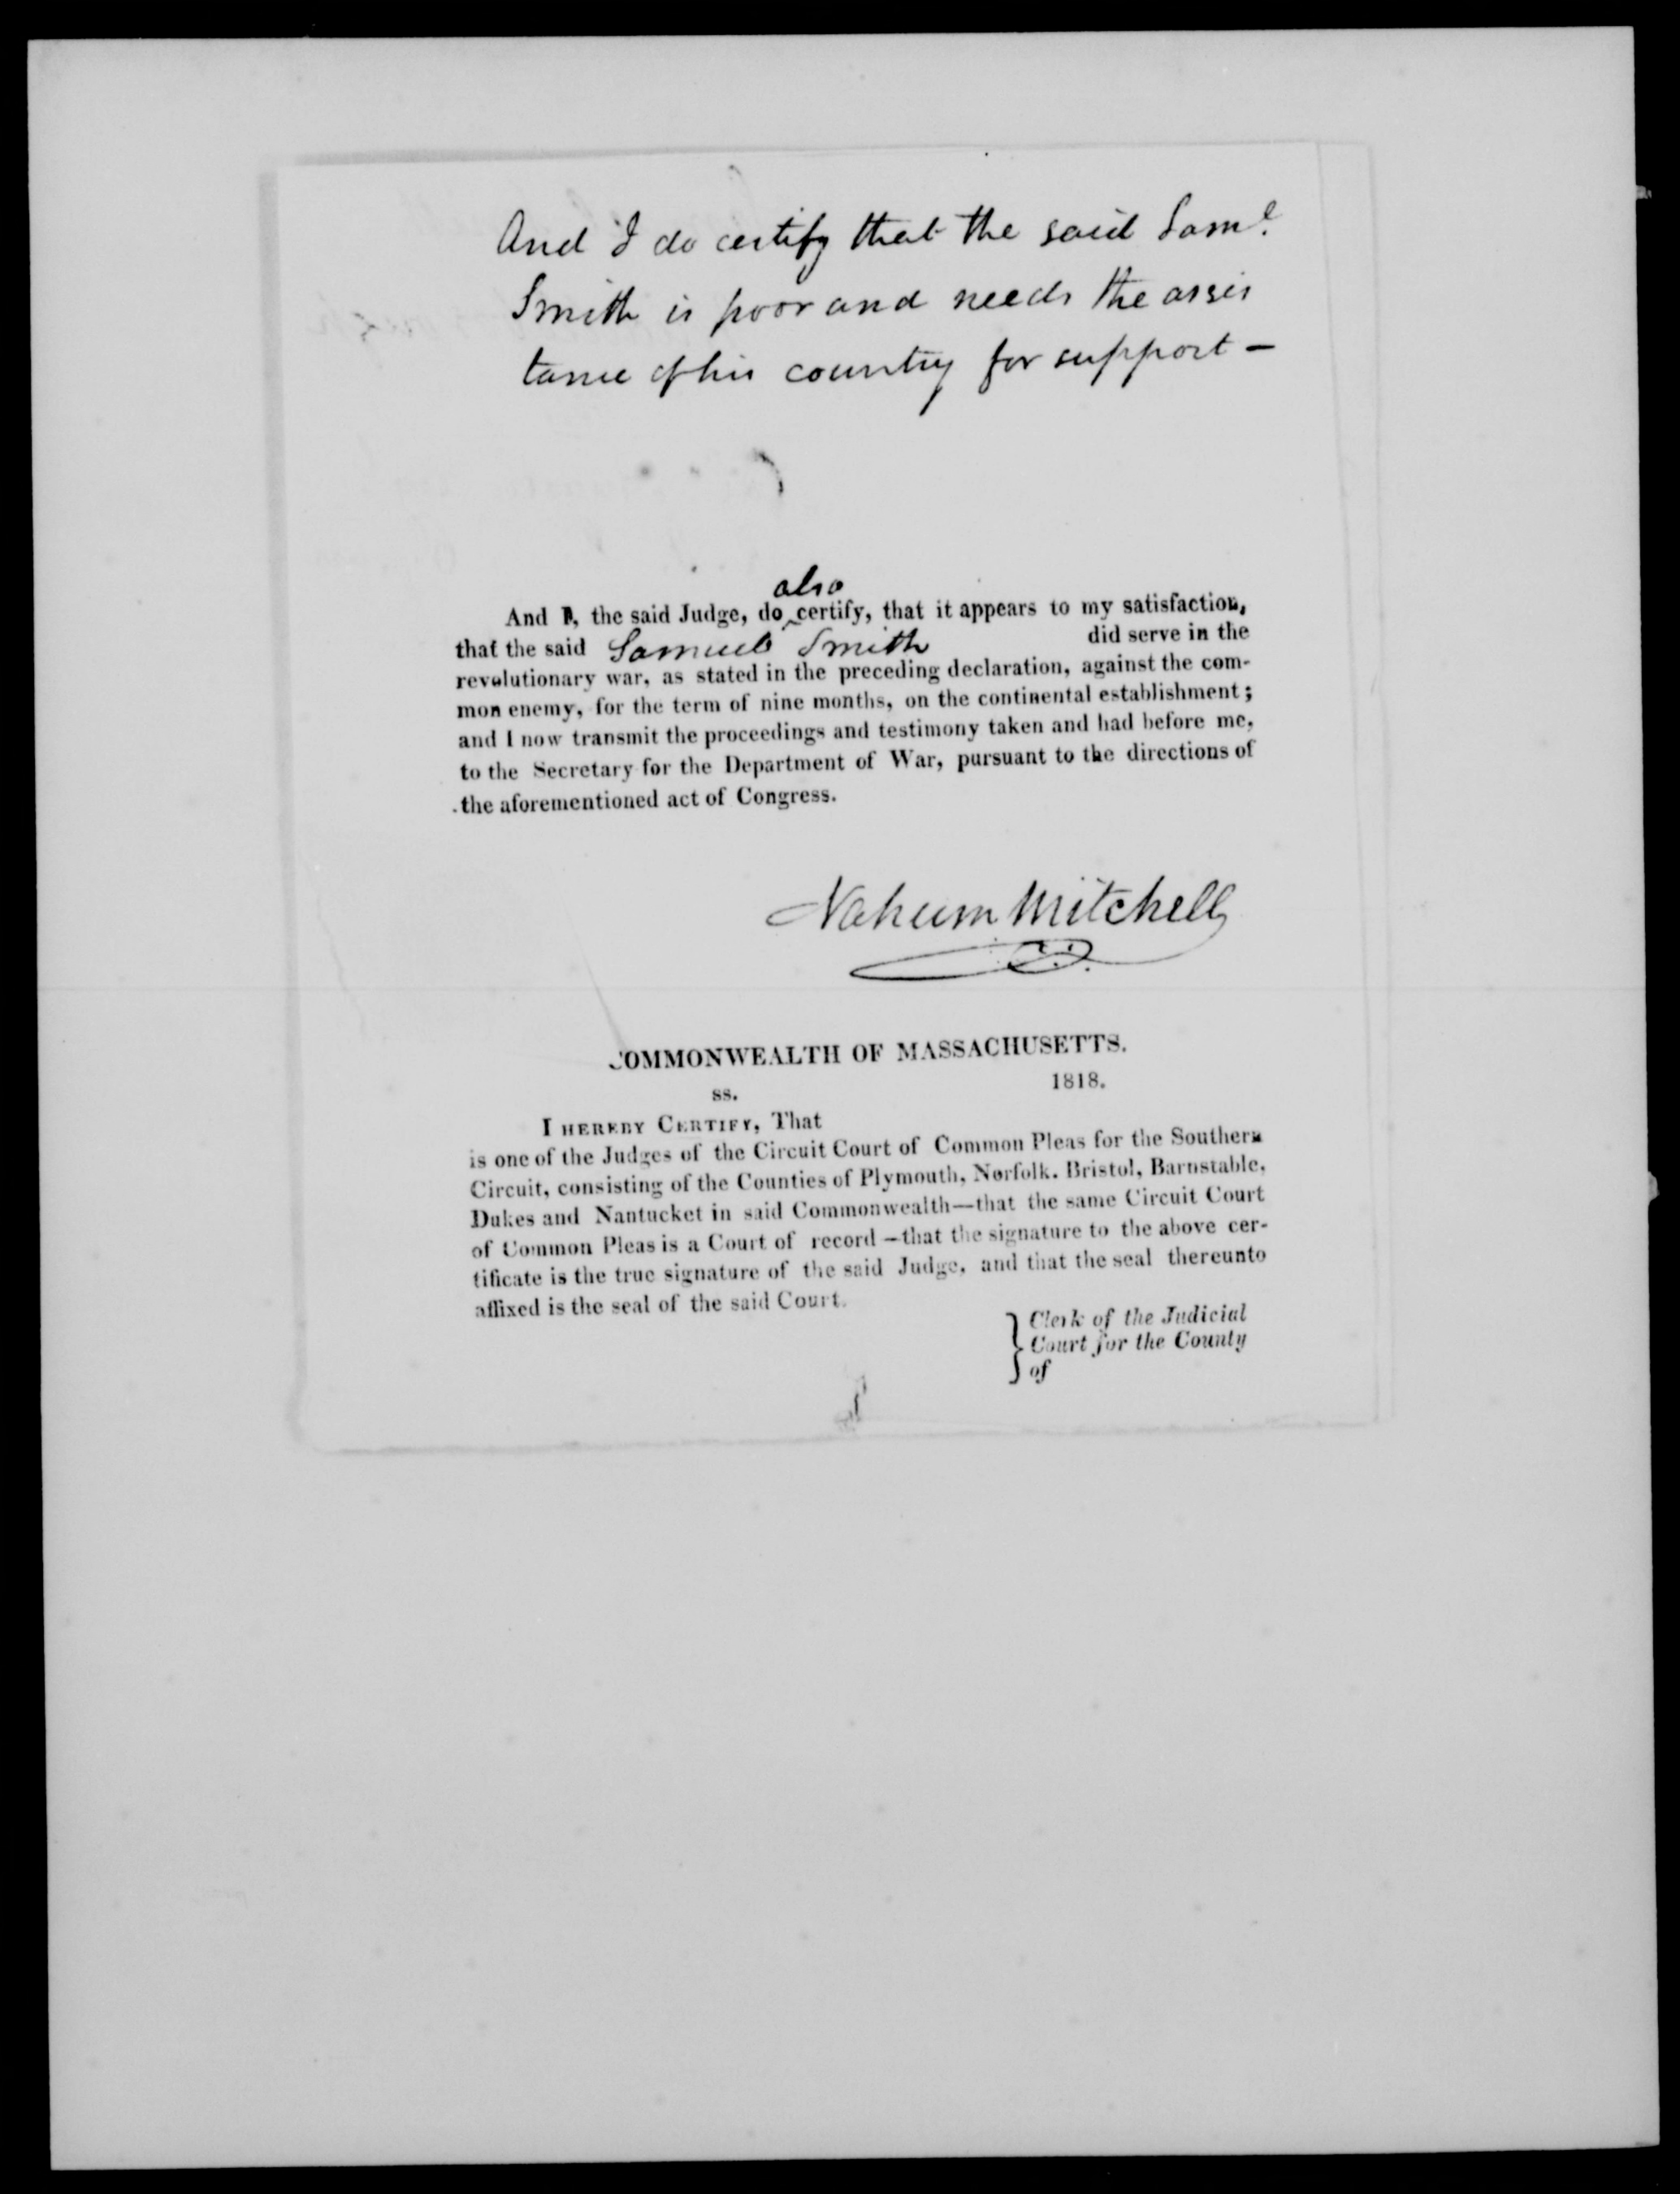And I do certify that the said Samuel Smith is poor and needs the assistance of his country for support.
  And i, the said Judge, ; do also certify that it appears to my satisfaction, that the said Samuel Smith did serve in the revolutionary war, as stated in the preceding declaration, against the common enemy, for the term of nine months, on the continental establishment; and I now transmit the proceedings and testimony taken and had before me, to the Secretary for the Department of War, pursuant to the directions of the aforementioned act of Congress.
Nahum Mitchell

COMMONWEALTH OF MASSACHUSETTS.
ss.  1818.
  I HEREBY CERTIFY, That          is one of the Judges of the Circuit Court of Common Pleas for the Southern Circuit, consisting of the Counties of Plymouth, Norfolk, Bristol, Barnstable, Dukes and Nantucket in said Commonwealth--that the same Circuit Court of Common Pleas is a Court of record--that the signature to the above certificate is the true signature of the said Judge, and that the seal thereunto affixed is the seal of the said Court.
}Clerk of the Judicial
Court for the County 
of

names: Samuel Smith; Saml Smith; Nahum Mitchell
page: 7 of 14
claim: survivor's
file: S. 34,487, for Samuel Smith, Rhode Island